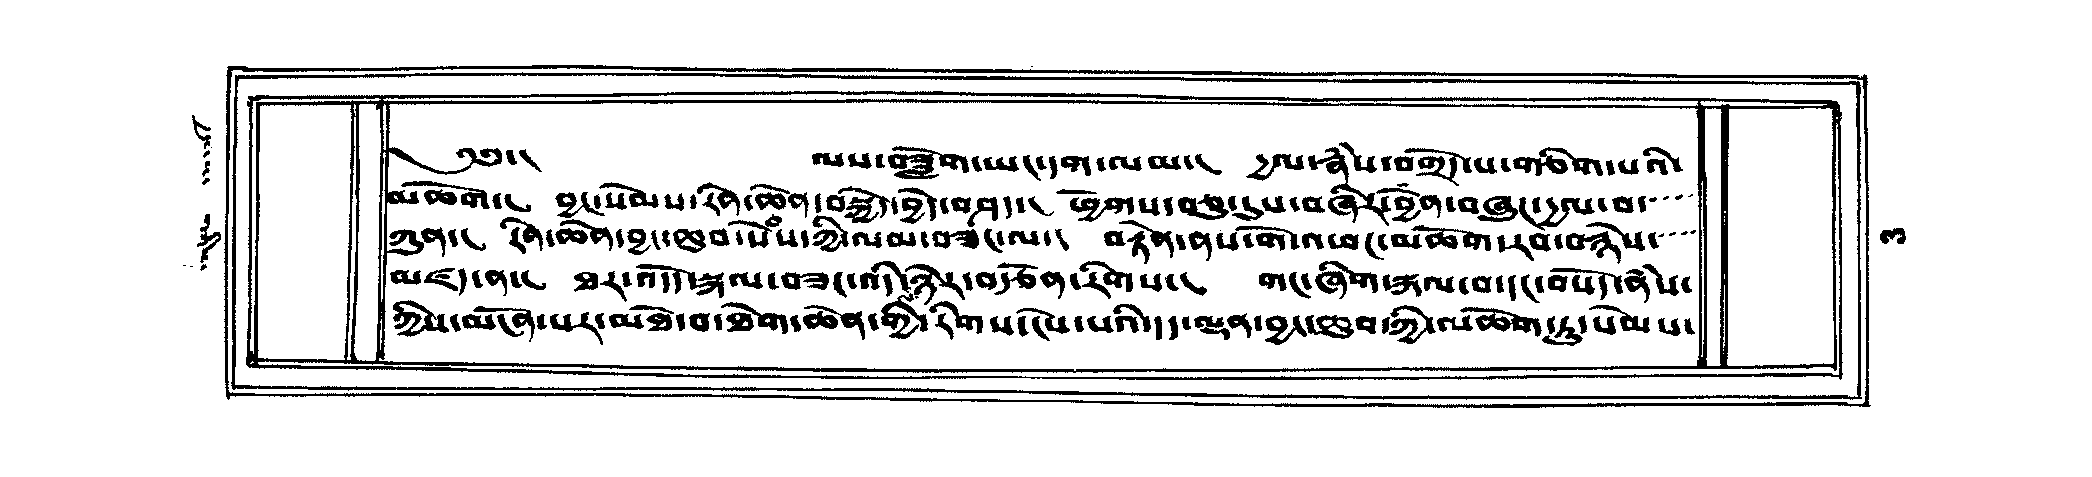ལས་བཟློག་ཡང་དག་ལམ། རྒྱལ་རྣམས་བགྲོད་པ་གཅིག་པའི་
མཆོག བྱང་སེམས་རིན་ཆེན་བསྐྱེད་བྱེད་བཤད། ཕྱོགས་བཅུ་དུས་བཞིར་བྱོན་བཞུགས་རྒྱལ་བ་
ཀུན། རིན་ཆེན་བྱང་ཆུབ་སེམས་ཀྱི་ལམ་བཟང་ལ། བརྟེན་ནས་གོ་འཕང་མཆོག་རབ་བརྙེས་
མཛད་ན། ཐར་འདོད་སྐལ་བཟང་འདི་ལ་ཉེར་བརྩོན་རིགས། གང་ཞིག་སྐལ་བ་དང་བསོད་ནམས་
ཀྱིས་མངོན་པར་མཐོ་བ་ཐེག་ཆེན་གྱི་རིགས་ངེས་པའི་དད་ལྡན་བྱང་ཆུབ་ཀྱི་མཆོག་ཏུ་སེམས་